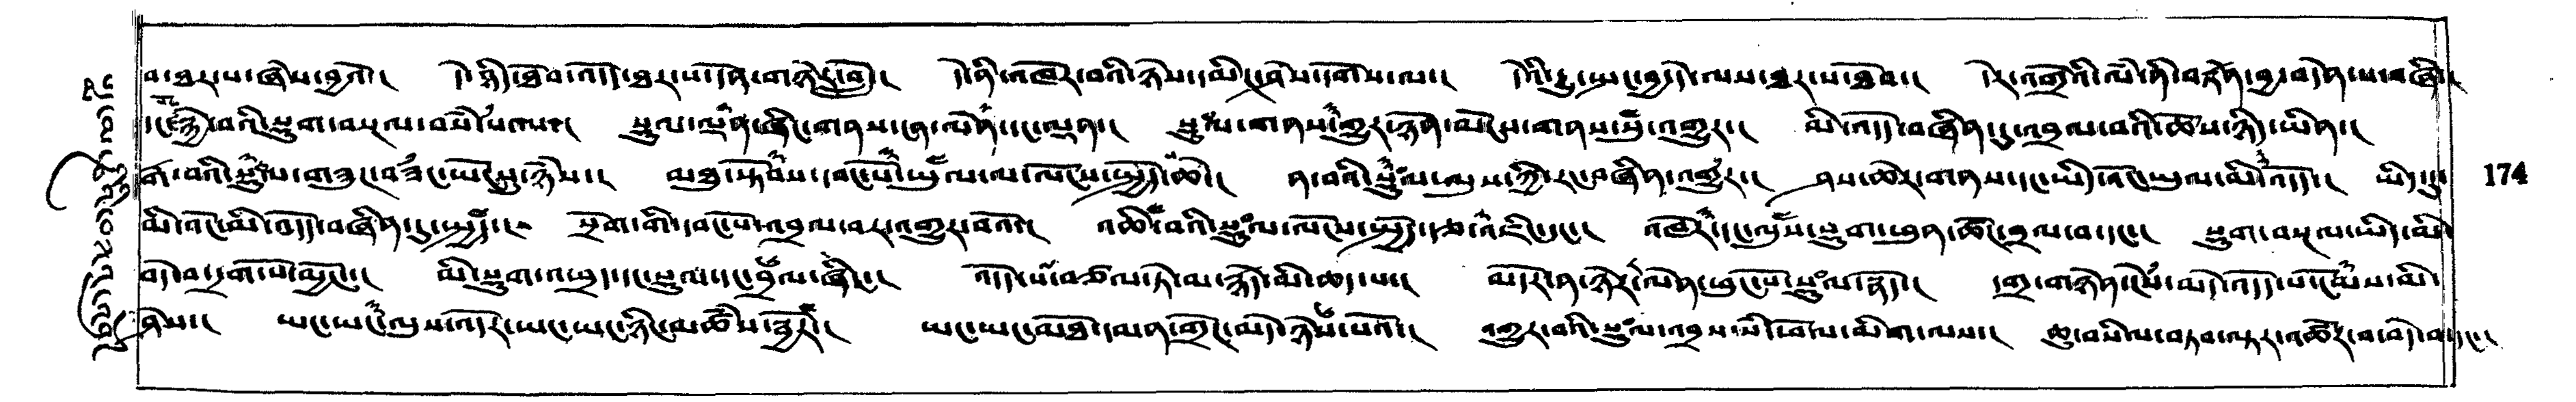བ་ཐར་པ་ཞེས་བྱའོ། །དེ་ཉིད་འཐོབ་འདོད་ཐར་པ་དོན་གཉེར་བློ། །དེ་ནི་འཁོར་བའི་ཉེས་དམིགས་ཤེས་དགོས་ལ། །དེའི་རྒྱུ་སྤང་བྱ་དེ་ལས་ཐར་པ་ཐོབ། །དེར་འགྲོའི་ལམ་ནི་བརྟེན་བྱ་བདེན་པ་བཞི། །
དང་པོ་སྐྱེ་བའི་སྡུག་བསྔལ་བསམ་པ་ལ། །སྡུག་བསྔལ་ལྡན་ཞིང་གནས་ངན་ལེན་དང་ལྡན། །སྡུག་བསྔལ་གནས་འགྱུར་ཉོན་མོངས་གནས་སུ་འགྱུར། །མི་འདོད་བཞིན་དུ་འབྲལ་བའི་ཆོས་ཉིད་ཡིན། །
རྒ་བའི་སྡུག་བསྔལ་གཟུགས་བཟང་ཡོངས་སུ་ཉམས། །མཐུ་སྟོབས་དབང་པོ་ཡུལ་ལ་ལོངས་སྤྱོད་ཆེ། །ན་བའི་སྡུག་བསྔལ་ལུས་ཀྱི་རང་བཞིན་འགྱུར། །ཤས་ཆེར་གནས་དང་ཡིད་འོང་ཡུལ་མི་འདོད། །ཡིད་དུ་
མི་འོང་མི་འདོད་བཞིན་དུ་སྤྱོད། །སྲོག་གི་དབང་པོ་འབྲལ་བར་འགྱུར་བའོ། །འཆི་བའི་སྡུག་བསྔལ་ལོངས་སྤྱོད་རྩ་འཛིང་དང་། །འཁོར་དང་ལུས་སྡུག་ཕུན་ཚོགས་འབྲལ་བ་དང་། །སྡུག་བསྔལ་ཡིད་མི་
བདེ་བ་དྲག་པོ་མྱོང་། །མི་སྡུག་འཕྲད་དང་སྡུག་བསྔལ་དང་བྲལ་ཞིང་། །འདོད་པ་བཙལ་ཏེ་མ་རྙེད་མི་ཆད་པ། །མདོར་ན་ཉེར་ལེན་ཕུང་པོ་སྡུག་བསྔལ་སྣོད། །དགྲ་གཉེན་ངེས་མེད་འདོད་པ་ངོམས་མི་
ཤེས། །ཡང་ཡང་ལུས་འདོར་ཡང་ཡང་ཉིང་མཚམས་སྦྱོར། །ཡང་ཡང་མཐོ་དམན་གྲོགས་མེད་ཉེས་པའོ། །འགྱུར་བའི་སྡུག་བསྔལ་འབྲས་སམ་ཕོལ་མིག་ལས། །ཆུ་བསིལ་བཏབ་ལྟར་ཚོར་བ་བདེ་བ་དང་།